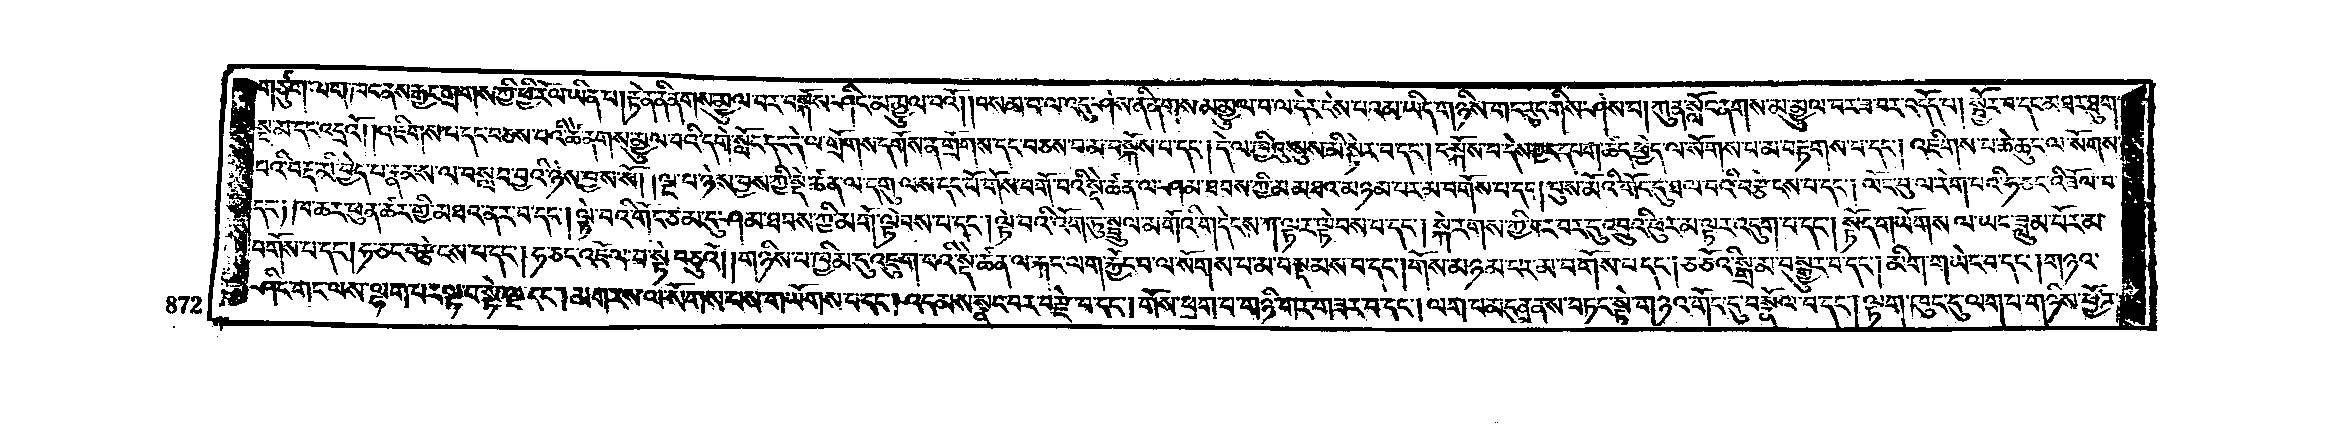གཙུག་ལག་ཁང་ནས་རྒྱང་གྲགས་ཀྱི་ཕྱི་རོལ་ཡིན་པ། རྟེན་ནི་ནགས་མྱུལ་བར་བསྐོས་ཤིང་མ་མྱུལ་བའོ། །བསམ་པ་ལ་འདུ་ཤེས་ནི་ནགས་མ་མྱུ་ལ་བ་ལ་དེར་ངེས་པའམ་ཡིད་གཉིས་གང་རུང་གིས་ཤེས་པ། ཀུན་སློང་ནགས་མ་མྱུལ་བར་ཟ་བར་འདོད་པ། སྦྱོར་བ་དང་མཐར་ཐུག་
སྔ་མ་དང་འདྲའོ། །འཇིགས་པ་དང་བཅས་པའི་ཚེ་ནགས་མྱུལ་བའི་དགེ་སློང་དང་དེ་ལ་གྲོགས་དགོས་ན་གྲོགས་དང་བཅས་པ་མ་བསྐོས་པ་དང་། དེ་ལ་ཁྱིའུ་སུས་མི་སྟེར་བ་དང་། བསྐོས་པ་དེས་ཀྱང་དཔག་ཚད་ཕྱེད་ལ་སོགས་པ་མ་བརྟགས་པ་དང་། འཇིགས་པ་ཆེ་ཆུང་ལ་སོགས་
པའི་བརྡ་མི་བྱེད་པ་རྣམས་ལ་བསླབ་བྱའི་ཉེས་བྱས་སོ། །ལྔ་པ་ཉེས་བྱས་ཀྱི་སྡེ་ཚན་ལ་དགུ་ལས་དང་པོ་གོས་བགོ་བའི་སྡེ་ཚན་ལ་ཤམ་ཐབས་ཀྱི་མ་མཐའ་མཉམ་པར་མ་བགོས་པ་དང་། པུས་མོའི་གོང་དུ་ཐལ་བའི་བརྩེངས་པ་དང་། ལོང་པུ་ལ་རེག་པའི་ཧ་ཅང་འི་ཟོལ་བ་
དང༑ ཁ་ཆར་ཕུན་ཚར་གྱི་མཐའ་ནར་བ་དང་། ལྟེ་བའི་གོང་ཙམ་དུ་ཤམ་ཐབས་ཀྱི་མགོ་ལྟེབས་པ་དང་། ལྟེ་བའི་འོག་ཏུ་སྦྲུལ་མགོའི་གདེངས་ཀ་ལྟར་ལྟེབས་པ་དང་། སྐེ་རགས་ཀྱི་བར་བར་དུ་འབྲུའི་ཕུར་མ་ལྟར་འདུག་པ་དང་། སྟོད་གཡོགས་ལ་ཡང་ཟླུམ་པོར་མ་
བགོས་པ་དང་། ཧ་ཅང་བརྩེངས་པ་དང་། ཧ་ཅང་འཇོལ་བ་སྟེ་བཅུའོ། །གཉིས་པ་ཁྱིམ་དུ་འཇུག་པའི་སྡེ་ཚན་ལ་རྐང་ལག་རྐྱོང་བ་ལ་སོགས་པ་མ་བསྡམས་པ་དང་། གོས་མཉམ་པར་མ་བགོས་པ་དང་། ཅ་ཅོའི་སྒྲ་མ་བསྒྱུར་བ་དང་། མིག་གཡེང་བ་དང་། གཉའ་
ཤིང་གང་ལས་ལྷག་པར་ལྟ་བ་སྟེ་ལྔ་དང་། མགར་ས་ལ་སོགས་པས་གཡོགས་པ་དང་། འདམས་སྣང་བར་བརྫེ་བ་དང་། གོས་ཕྲག་པ་གཉི་གར་གཟར་བ་དང་། ལག་པ་མ་དུན་ནས་བཏང་སྟེ་གཉའ་གོང་དུ་བསྣོལ་བ་དང་། ལྟག་ཁུང་དུ་ལག་པ་གཉིས་ཕྱོགས་